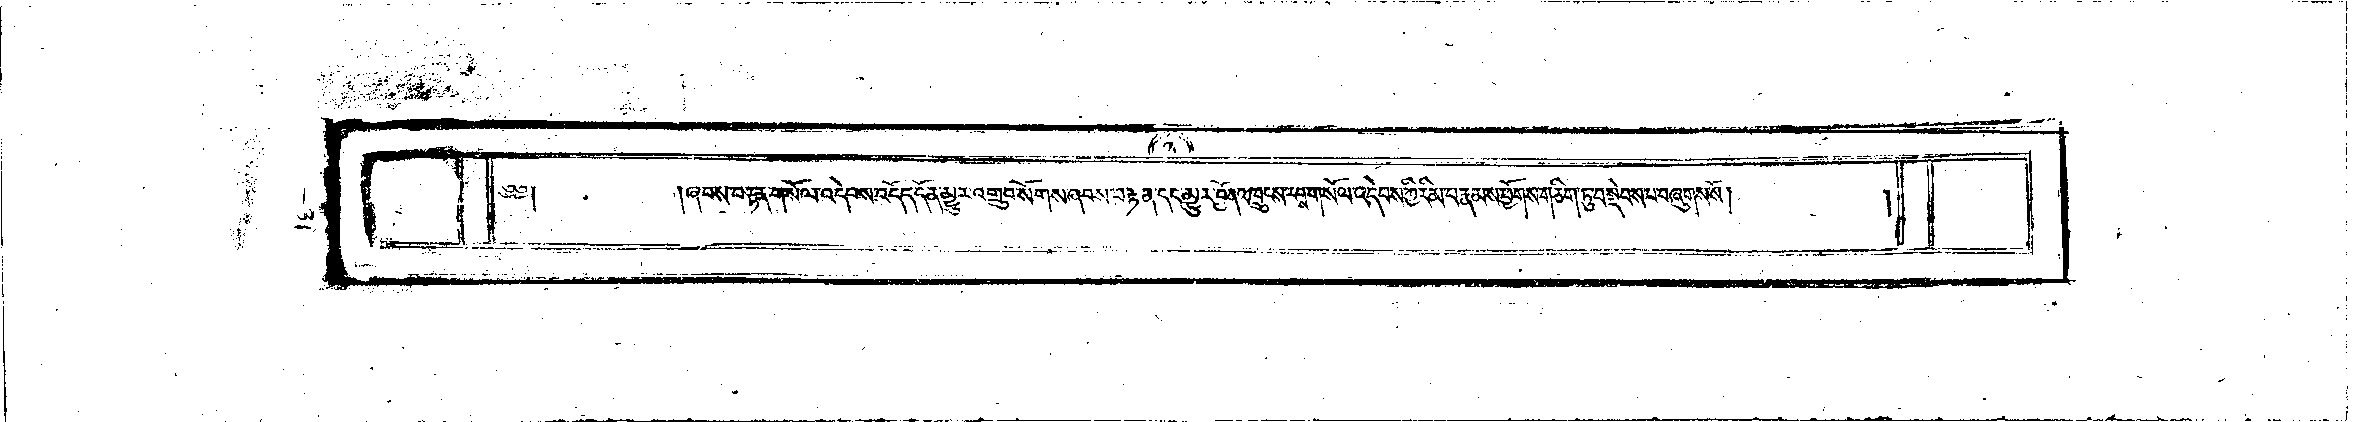༄༅། །ཞབས་བརྟན་གསོལ་འདེབས་འདོད་དོན་མྱུར་འགྲུབ་སོགས་ཞབས་བརྟན་དང་མྱུར་བྱོན་འཁྲུངས་རགས་གསོལ་འདེབས་ཀྱི་རིམ་པ་རྣམས་ཕྱོགས་གཅིག་ཏུ་སྡེབ་པ་བཞུགས་སོ། །